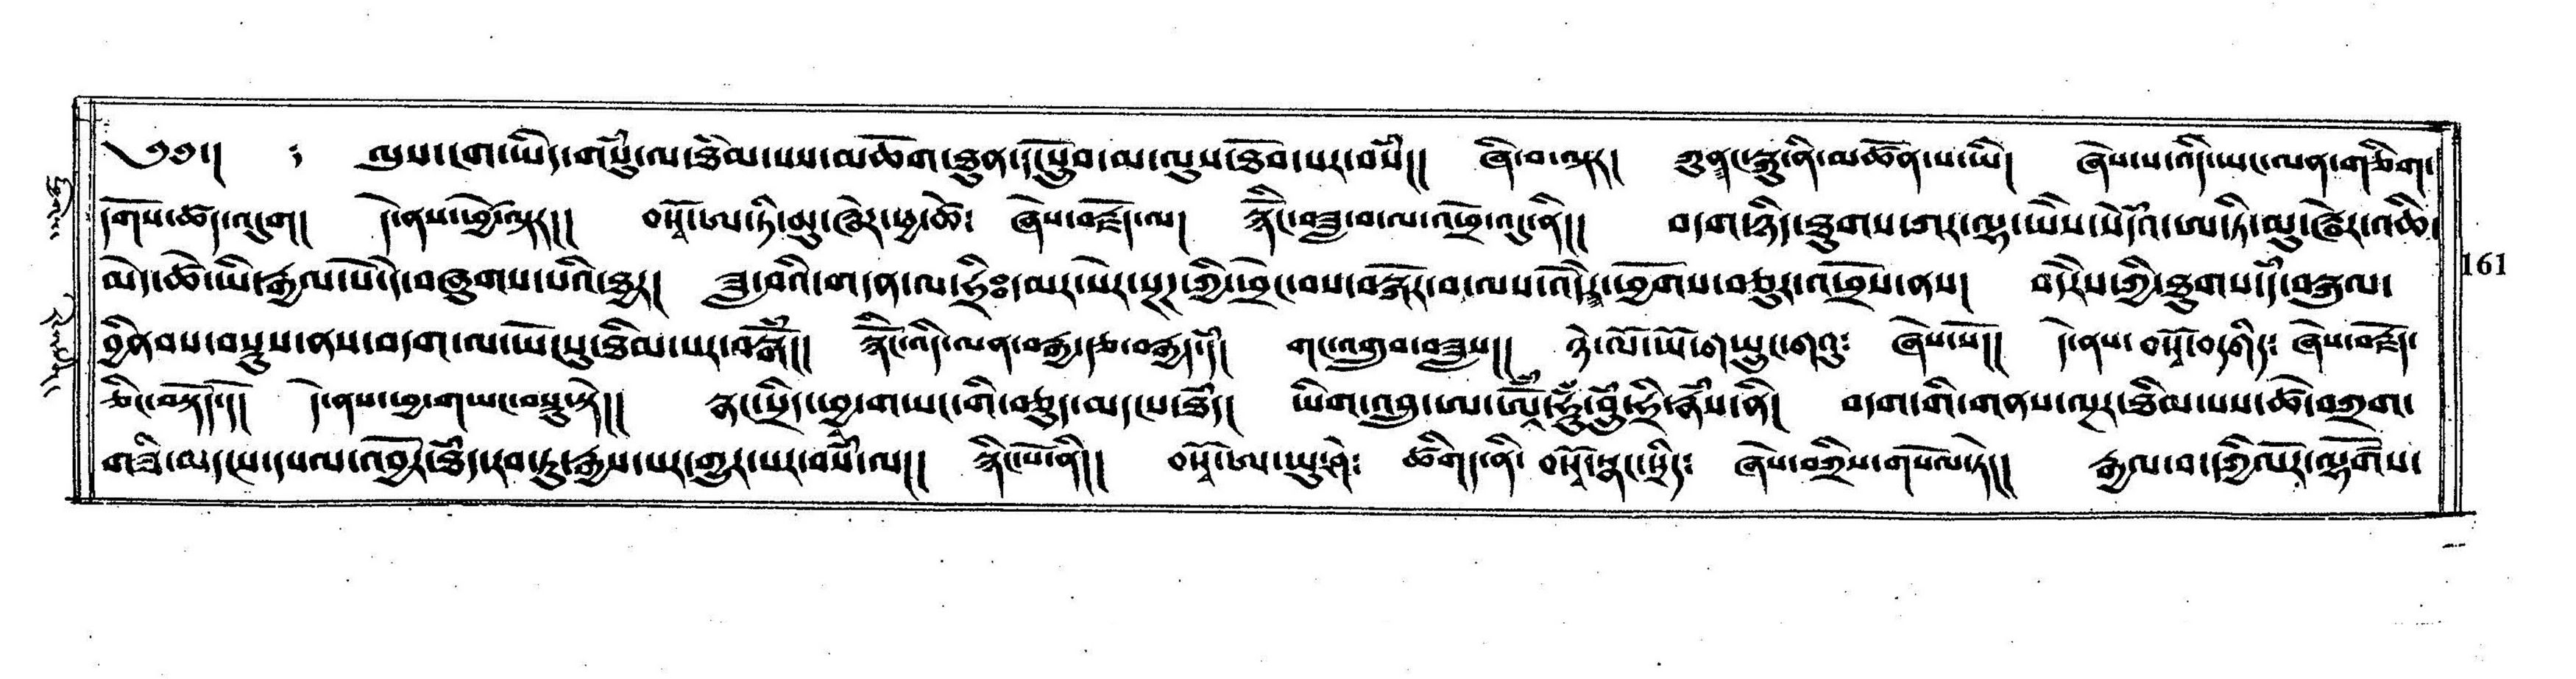ལུས་ངག་ཡིད་གསུམ་ལ་ཐིམ་པས་མཆོག་ཐུན་དངོས་གྲུབ་མ་ལུས་ཐོབ་པར་བསམ།། ཞི་བ་ལྟར། ཀུན་བཟང་སྐུ་ནི་མཚོན་པ་ཡི། ཞེས་པ་འདི་ཡང་ལན་གཅིག་
དགོས་ཚད་འདུག དེ་ནས་ཕྱ་ཚེ་ལྟར།། བསྭོ་ཨ་ཏི་མུ་ཝེར་ཕྱ་ཚེ༴ ཞེས་བརྗོད་ལ། སྙིང་པོ་བཟླ་བ་ལ་འཕྲོ་འདུ་ནི།། བདག་ཉིད་ཐུགས་ཀར་ལྷ་ཡེ་ཤེས་སེམས་དཔའ་ཨ་ཏི་མུ་ཝེར་འཆི་
མེད་ཚེ་ཡི་རྒྱལ་པོ་དེ་བཞུགས་པའི་ཐུགས་ཀར། ཟླ་བའི་གདན་ལ་ཧྲིཿདམར་སེར་སྔགས་ཀྱི་ཕྲེང་བས་བསྐོར་བ་ལས་འོད་ཟེར་ཕྱོགས་བཅུར་འཕྲོས་ནས། བདེར་གཤེགས་ཀྱི་ཐུགས་དམ་བསྐུལ་
བྱིན་རླབས་བསྡུས་ནས་བདག་ལ་ཡོངས་སུ་ཐིམ་པར་བསྒོམ།། སྙིང་པོ་འདི་ལན་བརྒྱ་རྩ་བརྒྱད་དམ། གང་འགྲུབ་བཟླས།། ཉེ་ལོ་ཡོ་གཡུང་དྲུང་གའུ༴ ཞེས་སོ།། དེ་ནས་བསྭོ་བདག་ཉིད༴ ཞེས་བརྗོད་
ཅིང་བསྟོད་དོ། དེ་ནས་ཕྱ་གཡང་བསྡུ་སྟེ།། སྣང་སྲིད་ཕྱྭ་གཡང་གི་བཅུད་མདངས་ཐམས་ཅད། ཡིག་འབྲུ་ཨ་ཨཱོཾ་ཧཱུྃ་བྲུཾ་ཧྲི་རྣམས་ནི། བདག་གི་གནས་ལྔར་ཐིམ་པས་ཚེ་བཀྲག་
གཟི་མདངས་དཔལ་འབྱོར་ཐམས་ཅད་རབ་ཏུ་རྒྱས་པར་གྱུར་པར་བསམ་ལ།། སྙིང་པོ་ནི།། བསྭོ་ཨ་ཡུ་ཤེ༴ ཚིག་བཤད་ནི། བསྭོ་སྣང་སྲིད༴ ཞེས་བཀྲ་ཤིས་གསོལ་ཏེ།། རྒྱལ་བ་དཀྱིལ་འཁོར་ལྷ་ཚོགས་